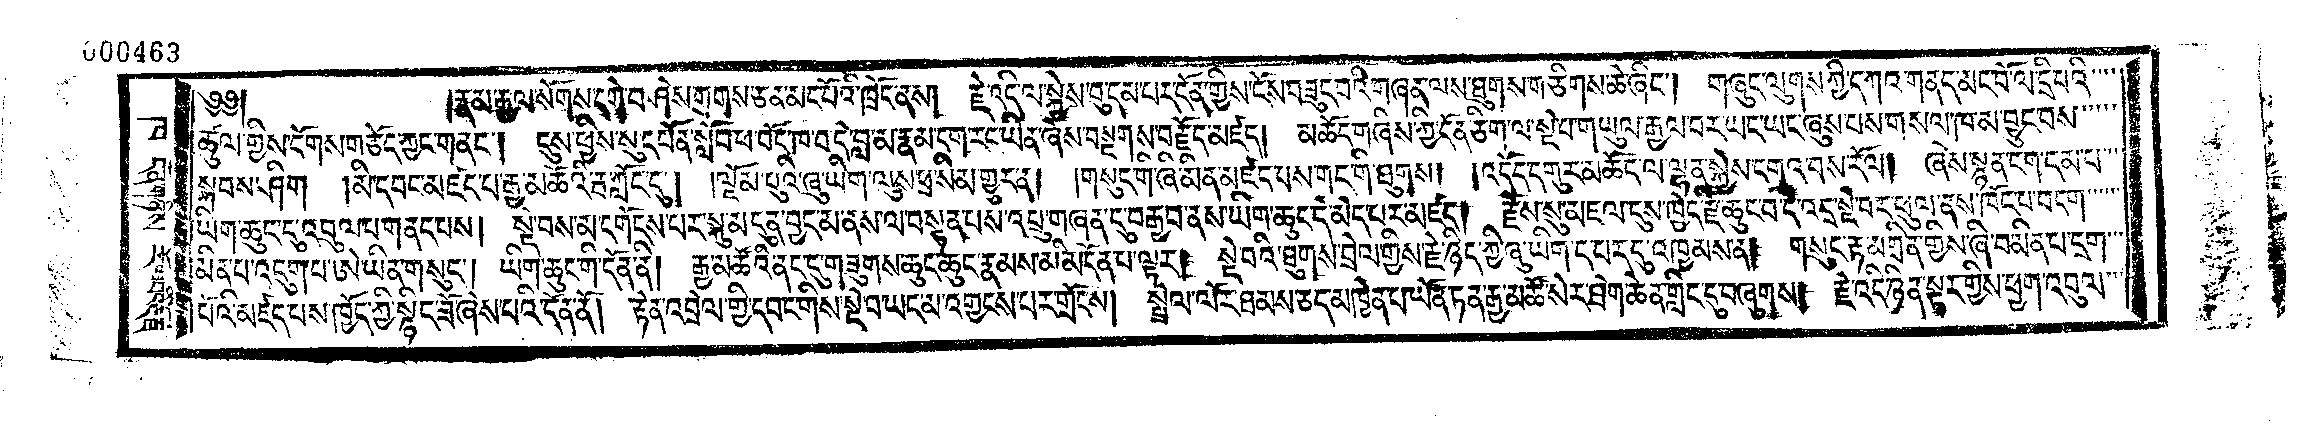༄༅། །རྣམ་རྒྱལ་སོགས་དགེ་བཤེས་གྲགས་ཅན་མང་པོའི་ཁྲོད་ནས། རྗེ་འདི་ལ་སྐྱེས་བུ་དམ་པར་དོན་གྱིས་ངོས་བཟུང་བའི་གཞན་ལས་ཐུགས་གཅིགས་ཆེ་ཞིང་། གཞུང་ལུགས་ཀྱི་དཀའ་གནད་མང་བོ་ལ་དྲི་བའི་
ཚུལ་གྱིས་དོགས་གཅོད་ཀྱང་གནང་། དུས་ཕྱིས་སུ་དཔོན་སློབ་ཕ་བོང་ཁ་པ་དེ་བླ་མ་རྣམ་དག་རང་ཡིན་ཞེས་བསྔགས་བརྗོད་མཛད། མཆོད་གཞིས་ཀྱི་དོན་ཅིག་ལ་སྡེ་པ་གཡུལ་རྒྱལ་བར་ཡང་ཡང་ཞུས་པས་གསལ་ཁ་མ་བྱུང་བས་
སྐབས་ཤིག །མི་དབང་མཛད་པ་རྒྱ་མཚོའི་རྦ་ཀློང་དུ། །ལྡོམ་བུའི་ཞུ་ཡིག་ལུས་ཕྲ་སིམ་གྱུར་ན། །གསུང་གི་ཞི་མིན་མཛད་པས་གང་གི་ཐུགས། །འདོད་དགུར་མཆོད་ལ་ལྷན་སྐྱེས་དགའ་བས་རོལ། ཞེས་སྙན་ངག་དམ་པ་
ཡིག་ཆུང་དུ་འབུལ་བ་གནང་བས། སྡེ་བས་མ་དགོངས་པར་སྐུ་མདུན་བྱང་མ་ནས་ལ་བསྟན་པས་འབྲུ་གཞན་དུ་བརྒྱབ་ནས་ཡིག་ཆུང་དེ་མེད་པར་མཛད། རྗེས་སུ་མཇལ་དུས་ཁྱེད་ཇི་ཆུང་བ་དེ་འདྲ་སྡེ་བར་ཕུལ་ནས་ཁོང་པ་བདག་
མིན་པ་འདུག་པ་ཨེ་ཡིན་གསུང་། ཡིག་ཆུང་གི་དོན་ནི། རྒྱ་མཚོའི་ནང་དུ་གཟུགས་ཆུང་ཆུང་རྣམས་མི་མངོན་པ་ལྟར། སྡེ་བའི་ཐུགས་བྲེལ་གྱིས་རྗེ་ཉིད་ཀྱི་ཞུ་ཡིག་ད་བར་དུ་འཁྱམས་ན། གསུང་རྟ་མགྲིན་གྱིས་ཞི་བ་མིན་པ་དྲག་
པོའི་མཛད་པས་ཁྱོད་ཀྱི་སྙིང་ཟོ་ཞེས་པའི་དོན་ནོ། རྟེན་འབྲེལ་གྱི་དབང་གིས་སྡེ་བ་ཡང་མ་འགྱངས་པར་གྲོངས། སྤྲེལ་ལོར་ཐམས་ཅད་མཁྱེན་པ་ཡོན་ཏན་རྒྱ་མཚོ་སེ་ར་ཐེག་ཆེན་གླིང་དུ་བཞུགས། རྗེ་འདི་ཉིན་སྟར་གྱིས་ཕྱག་འབུལ་